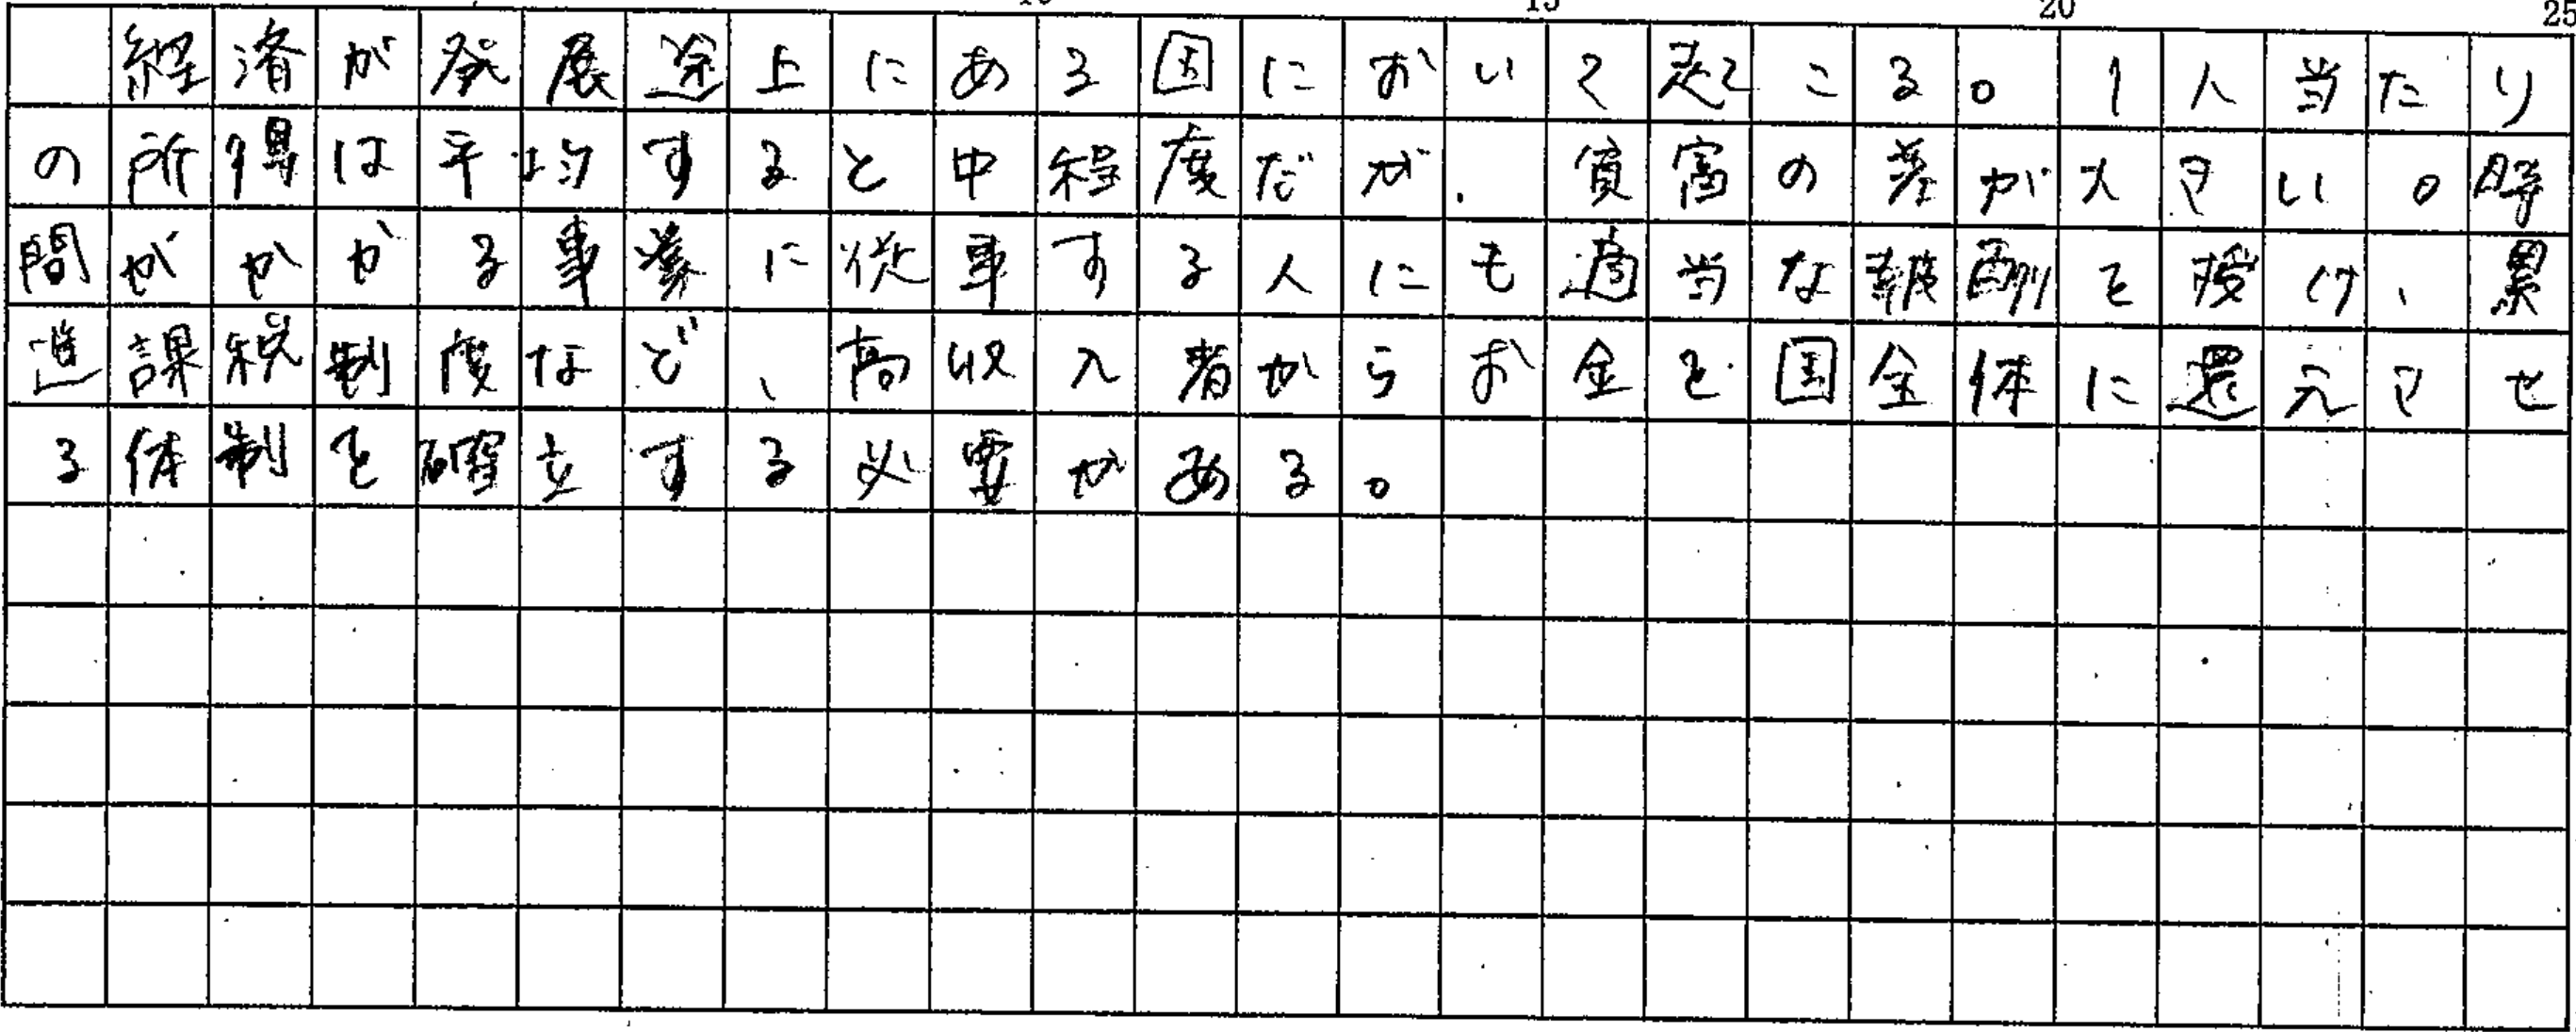　経済が発展途上にある国において起こる。１人当たりの所得は平均すると中程度だが、貧富の差が大きい。時間がかかる事業に従事する人にも適当な報酬を授け、累進課税制度など、高収入者からお金を国全体に還元させる体制を確立する必要がある。
